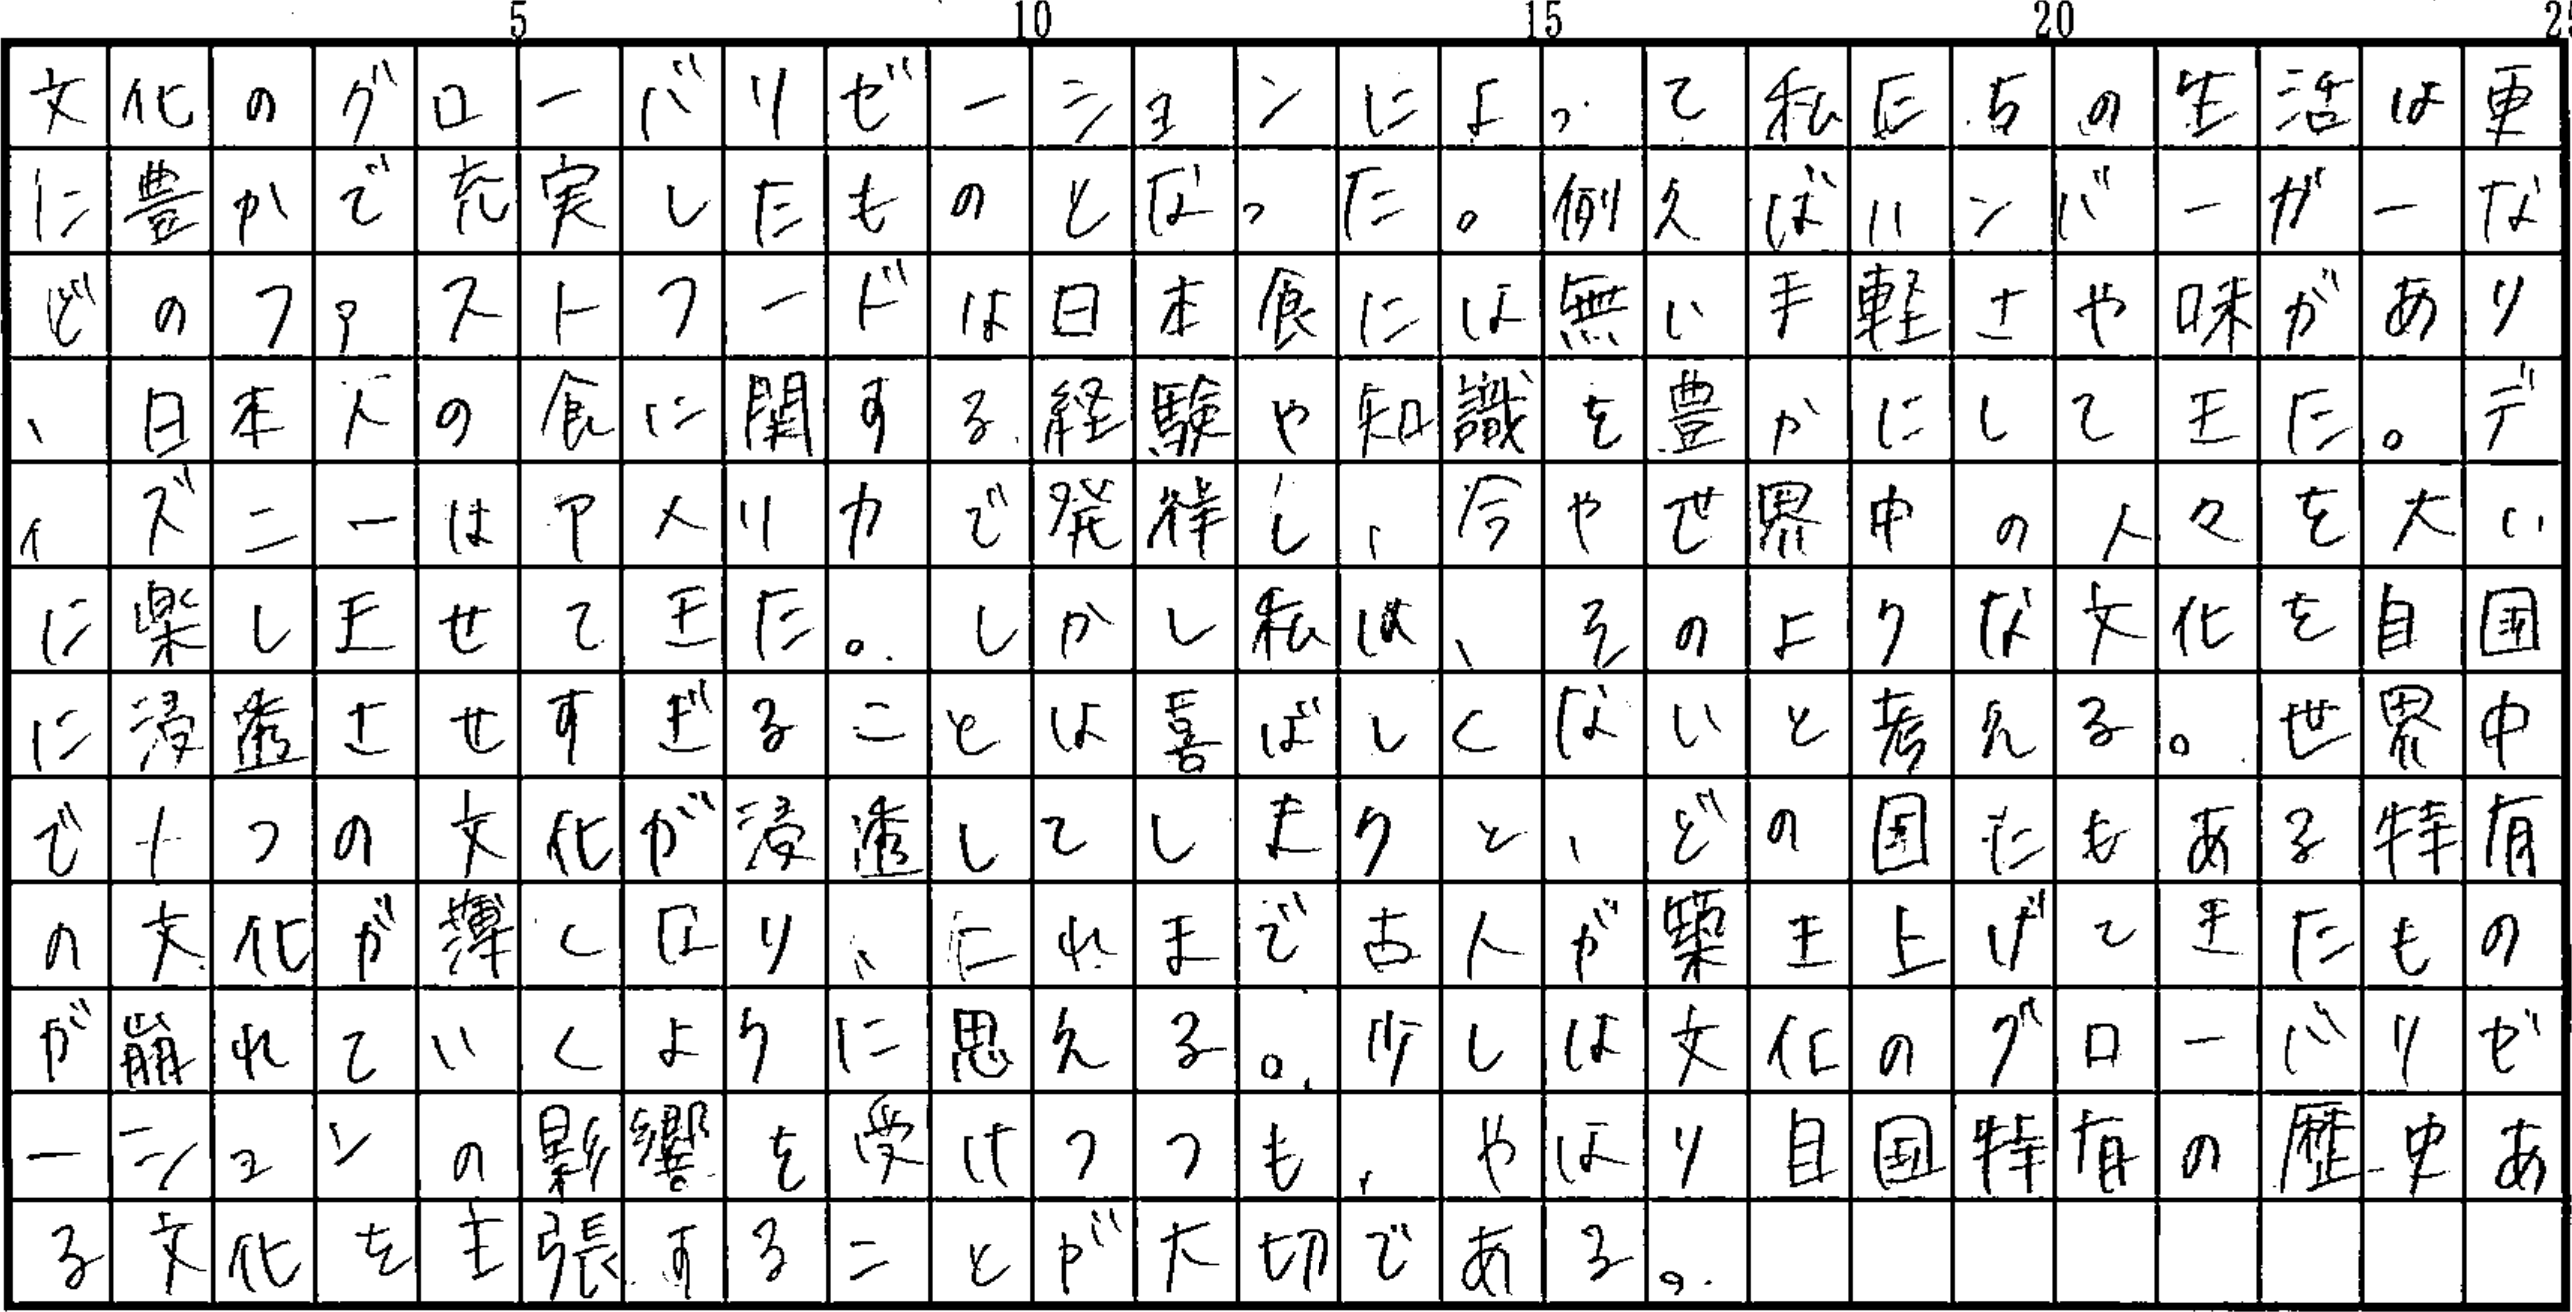文化のグローバリゼーションによって私たちの生活は更に豊かで充実したものとなった。例えばハンバーガーなどのファストフードは日本食には無い手軽さや味があり、日本人の食に関する経験や知識を豊かにしてきた。ディズニーはアメリカで発祥し、今や世界中の人々を大いに楽しませてきた。しかし私は、そのような文化を自国に浸透させすぎることは喜ばしくないと考える。世界中で１つの文化が浸透してしまうと、どの国にもある特有の文化が薄くなり、これまで古人が築き上げてきたものが崩れていくように思える。少しは文化のグローバリゼーションの影響を受けつつも、やはり自国特有の歴史ある文化を主張することが大切である。
